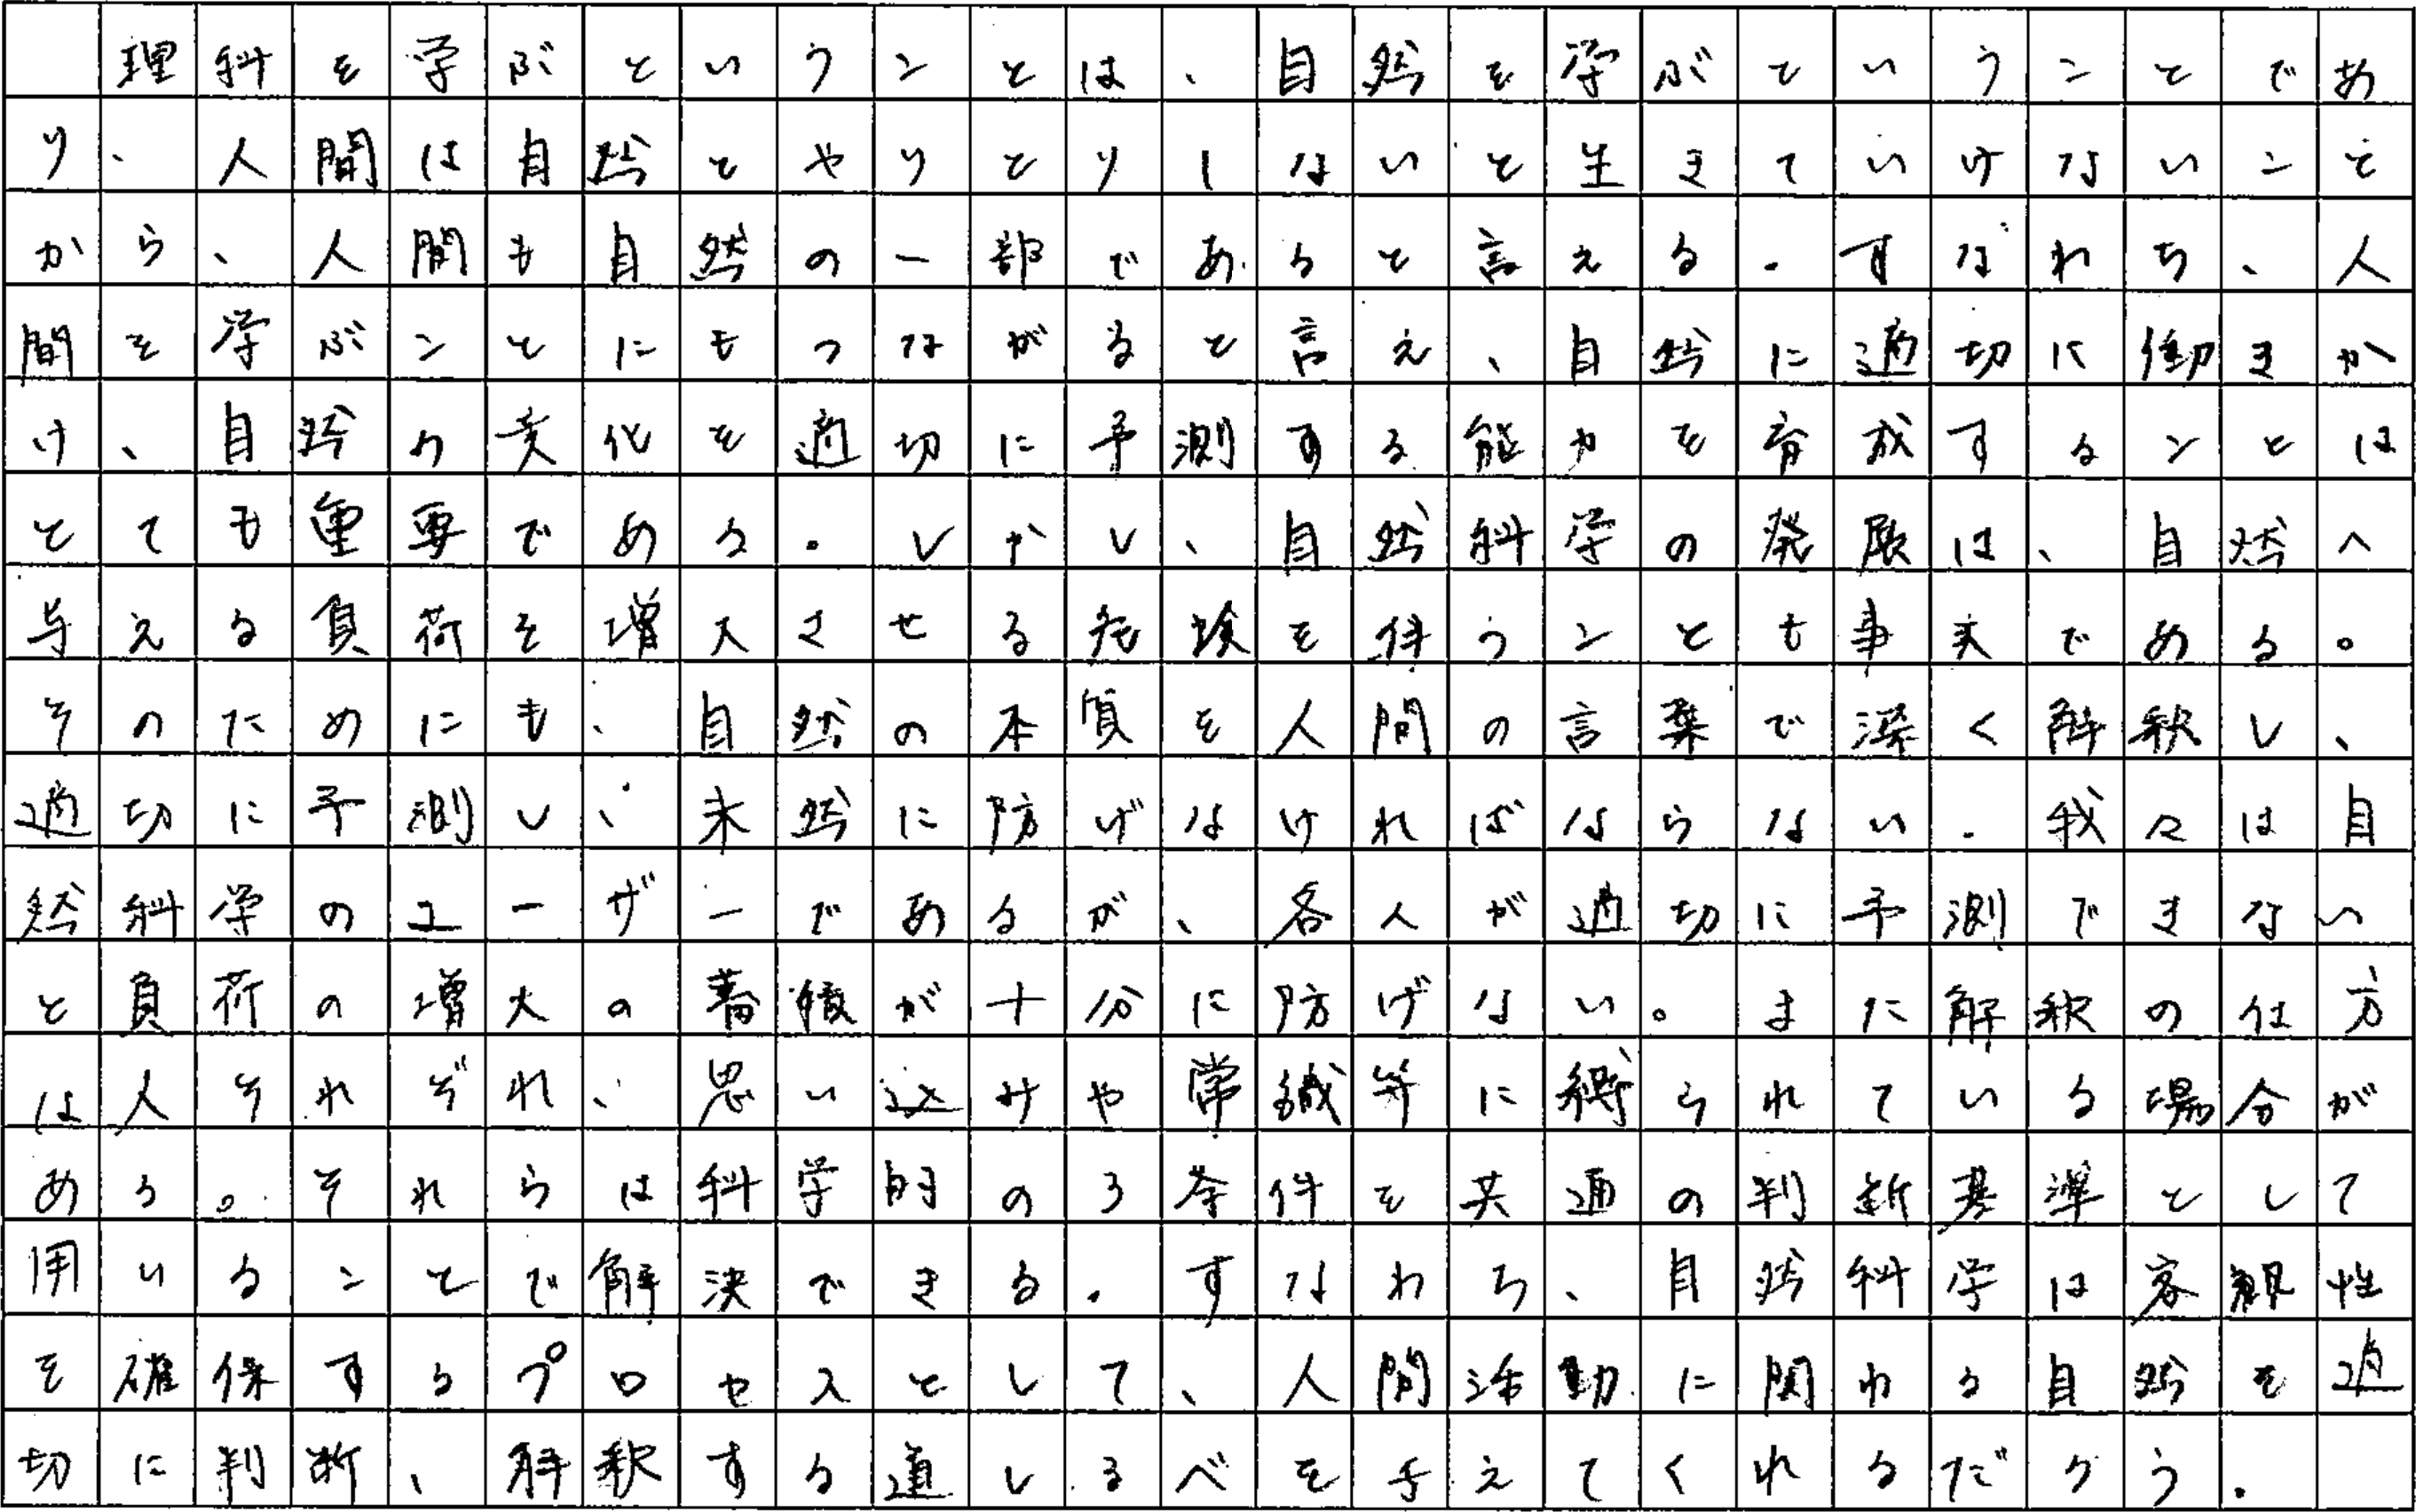　理科を学ぶということは、自然を学ぶということであり、人間は自然とやりとりしないと生きていけないことから、人間も自然の一部であると言える。すなわち、人間を学ぶことにもつながると言え、自然に適切に働きかけ、自然の変化を適切に予測する能力を育成することはとても重要である。しかし、自然科学の発展は、自然へ与える負荷を増大させる危険を伴うことも事実である。そのためにも、自然の本質を人間の言葉で深く解釈し、適切に予測し、未然に防げなければならない。我々は自然科学のユーザーであるが、各人が適切に予測できないと負荷の増大の蓄積が十分に防げない。また解釈の仕方は人それぞれ、思い込みや常識等に縛られている場合がある。それらは科学的の３条件を共通の判断基準として用いることで解決できる。すなわち、自然科学は客観性を確保するプロセスとして、人間活動に関わる自然を適切に判断、解釈する道しるべを与えてくれるだろう。
